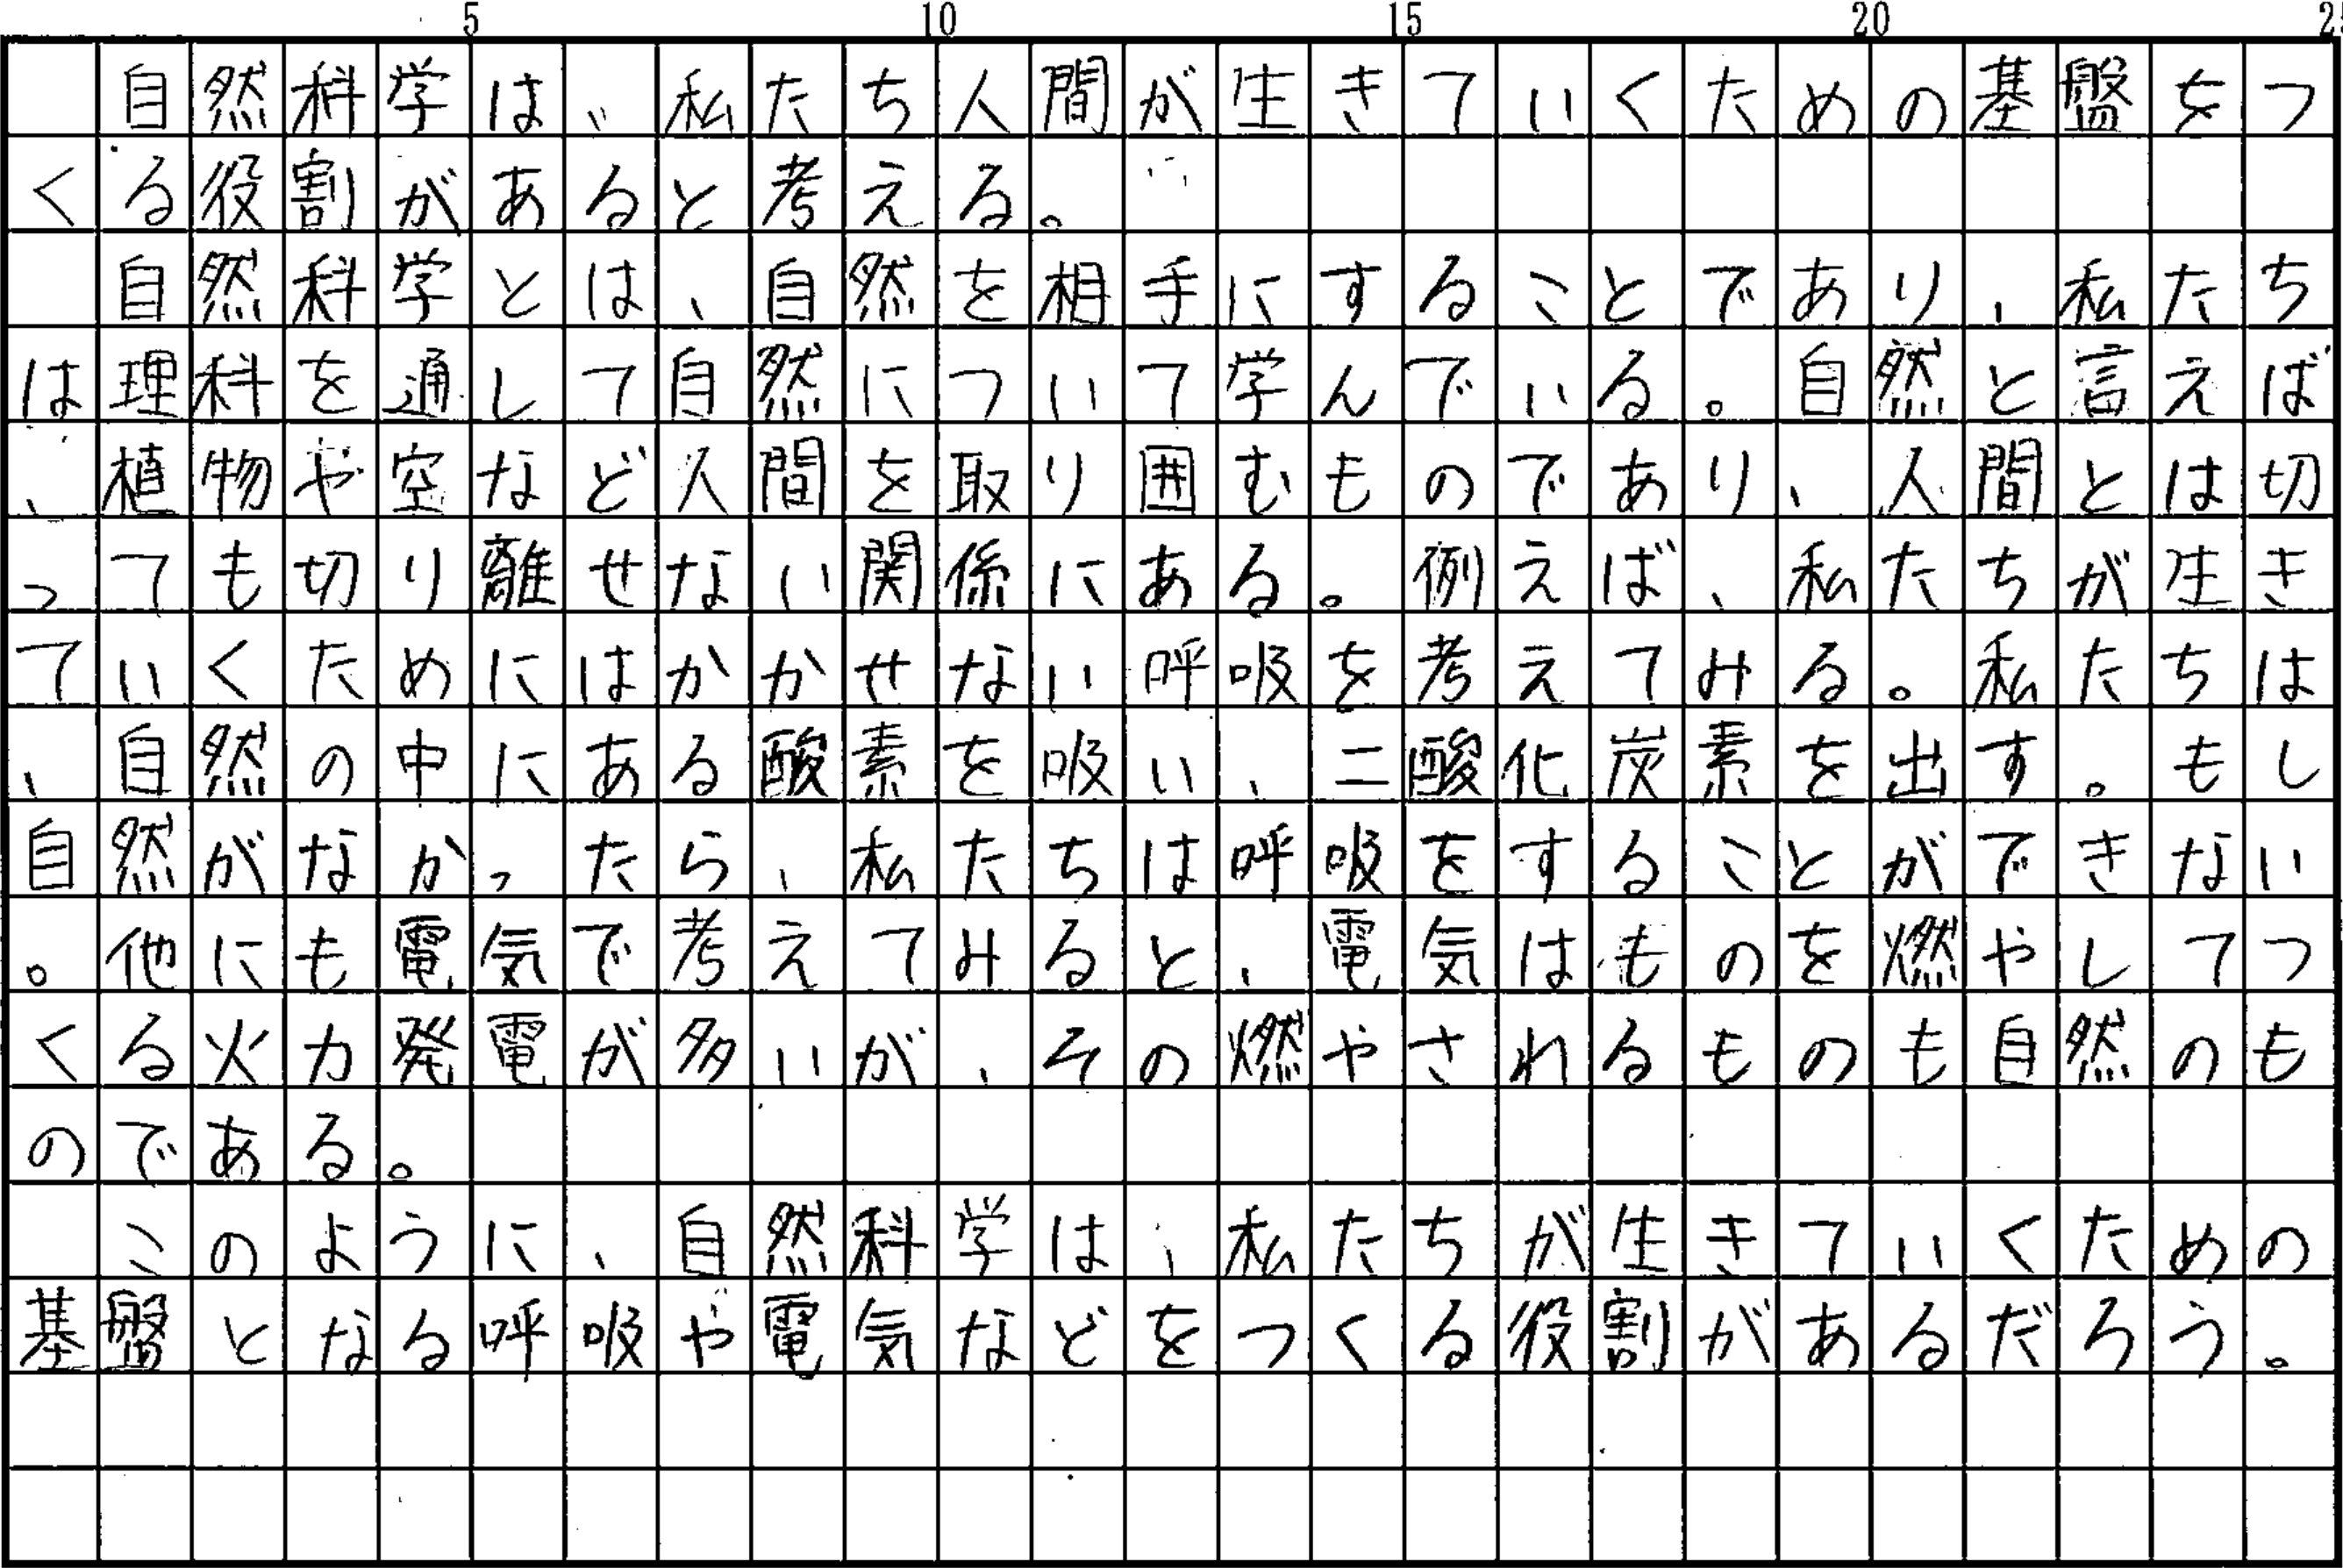　自然科学は、私たち人間が生きていくための基盤をつくる役割があると考える。
　自然科学とは、自然を相手にすることであり、私たちは理科を通して自然について学んでいる。自然といえば、植物や空など人間を取り囲むものであり、人間とは切っても切り離せない関係にある。例えば、私たちが生きていくためにはかかせない呼吸を考えてみる。私たちは、自然の中にある酸素を吸い、二酸化炭素を出す。もし自然がなかったら、私たちは呼吸をすることができない。他にも電気で考えてみると、電気はものを燃やしてつくる火力発電が多いが、その燃やされるものも自然のものである。
　このように、自然科学は、私たちが生きていくための基盤となる呼吸や電気などをつくる役割があるだろう。
